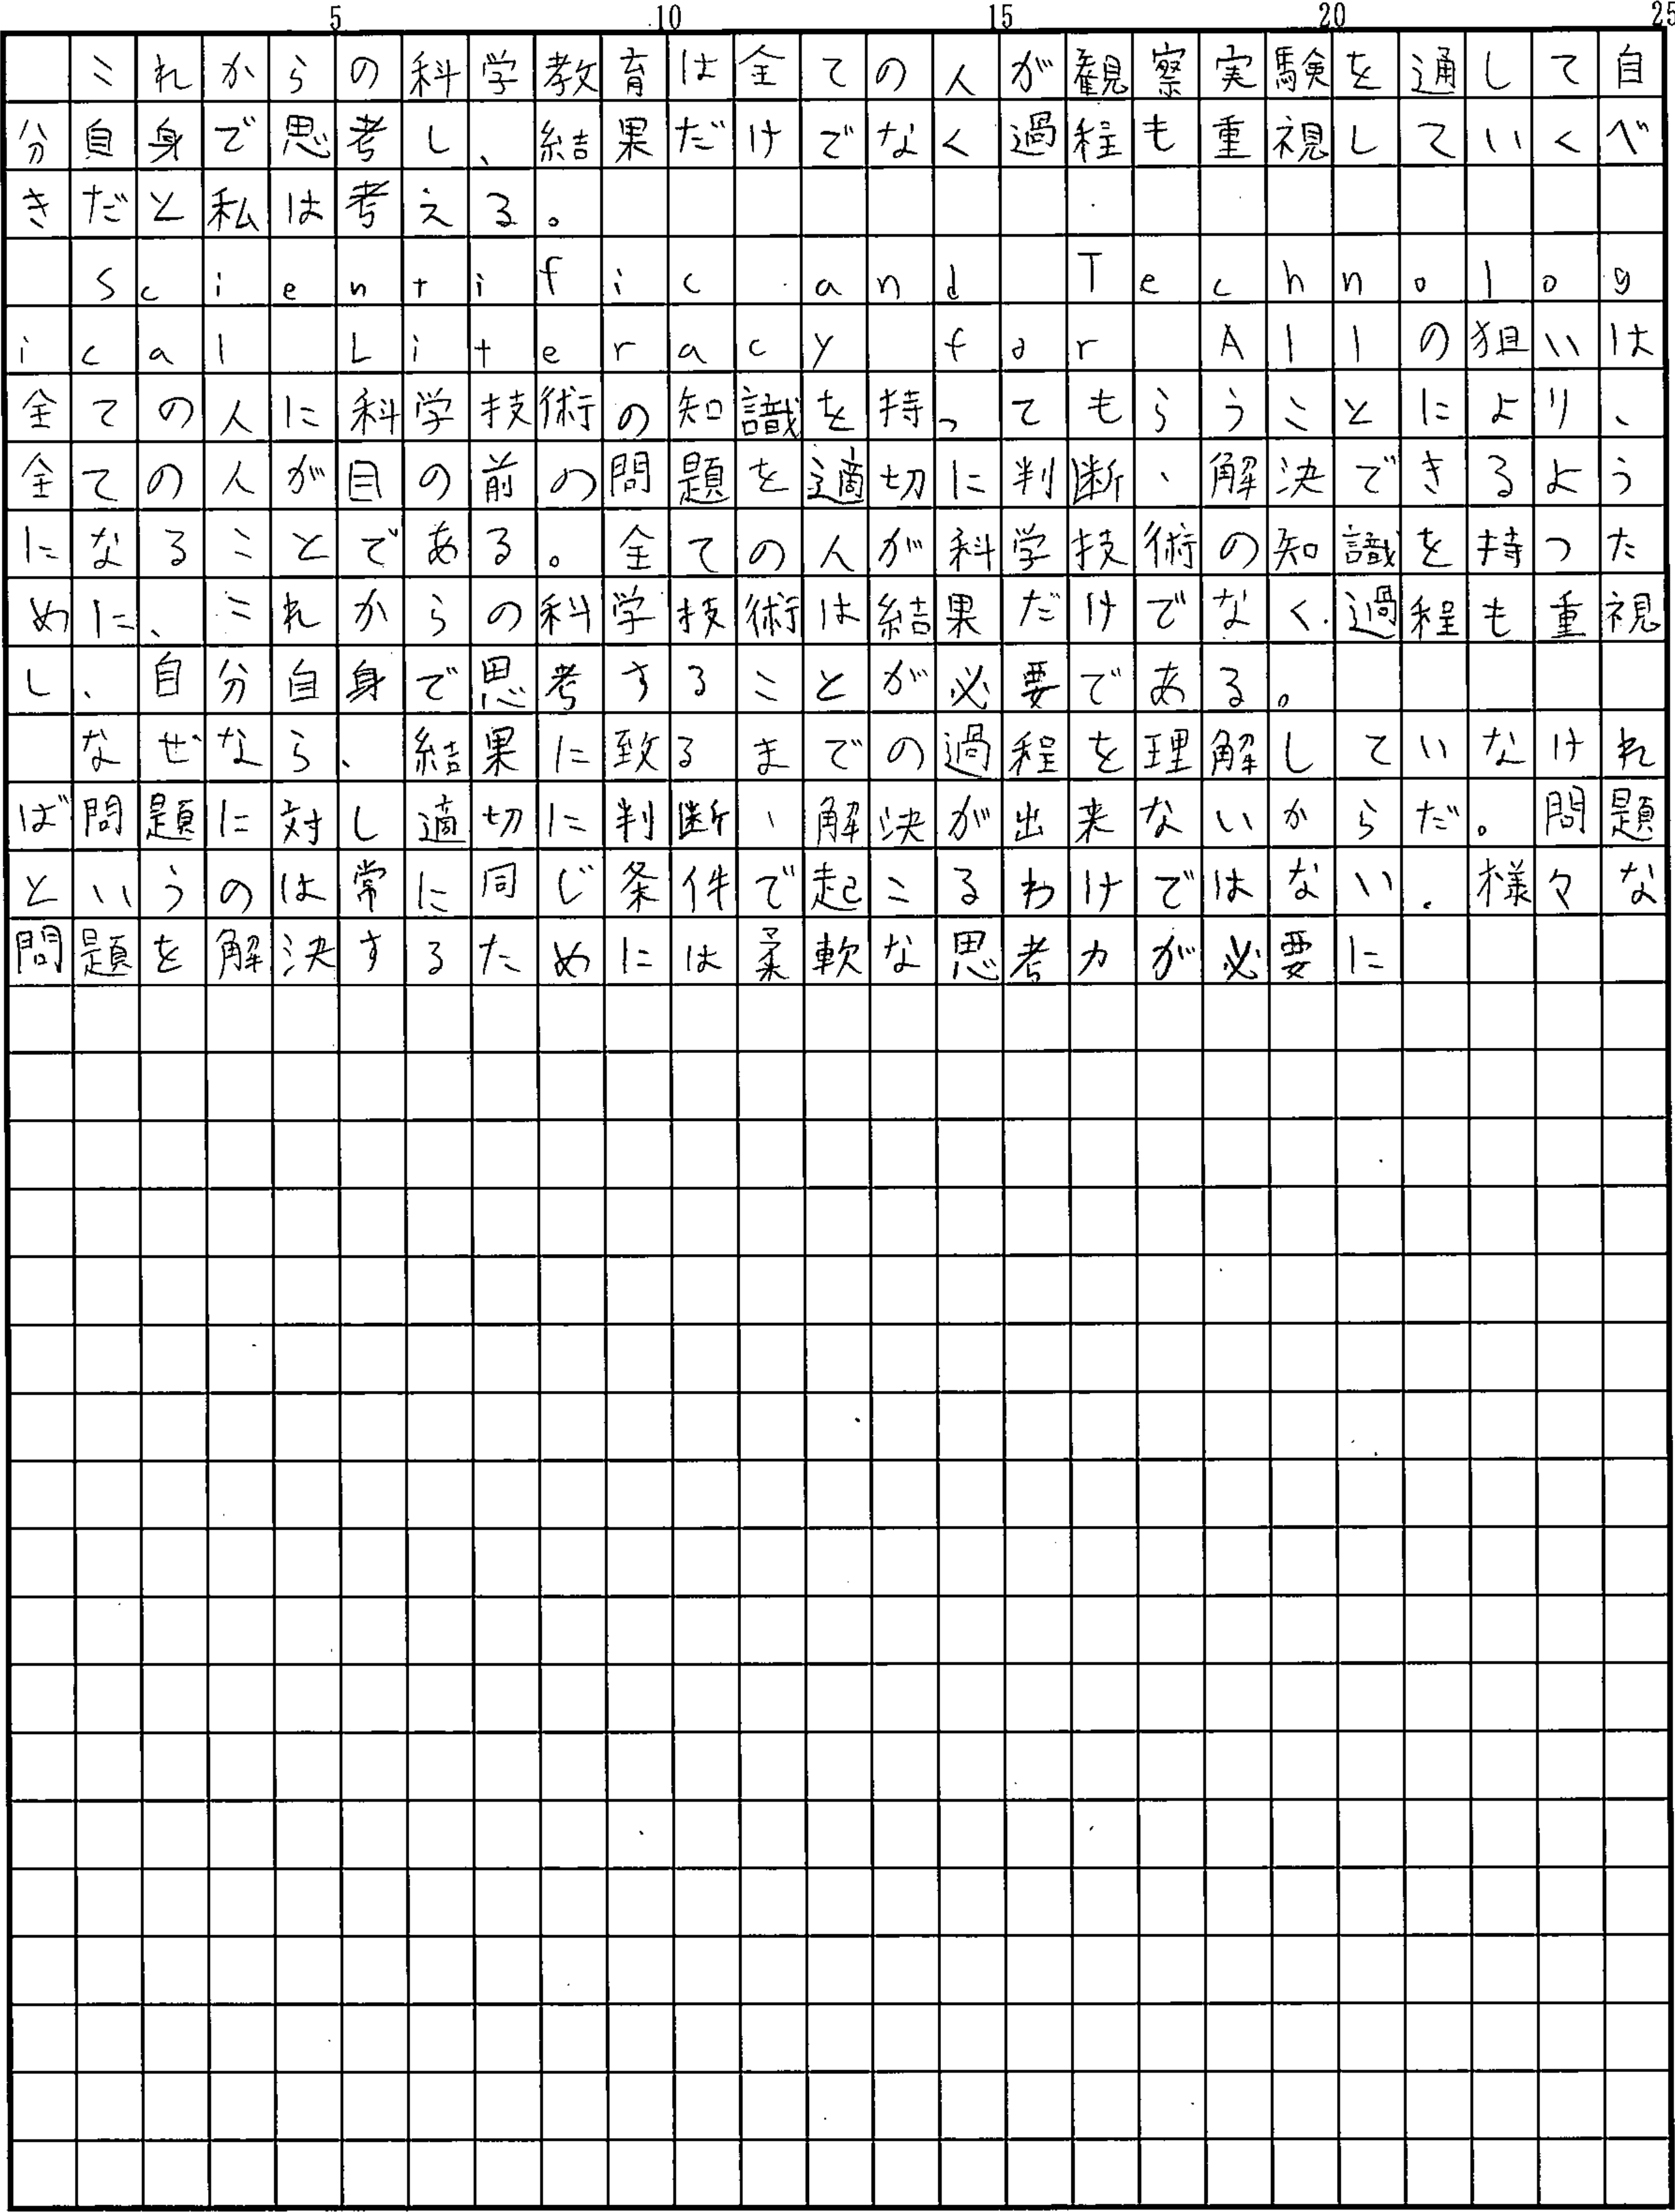　これからの科学教育は全ての人が観察実験を通して自分自身で思考し、結果だけでなく過程も重視していくべきだと私は考える。
　Ｓｃｉｅｎｔｉｆｉｃ　ａｎｄ　Ｔｅｃｈｎｏｌｏｇｉｃａｌ　Ｌｉｔｅｒａｃｙ　ｆｏｒ　Ａｌｌの狙いは全ての人に科学技術の知識を持ってもらうことにより、全ての人が目の前の問題を適切に判断・解決できるようになることである。全ての人が科学技術の知識を持つために、これからの科学技術は結果だけでなく過程も重視し、自分自身で思考することが必要である。
　なぜなら、結果に致るまでの過程を理解していなければ問題に対し適切に判断・解決が出来ないからだ。問題というのは常に同じ条件で起こるわけではない。様々な問題を解決するためには柔軟な思考力が必要に
